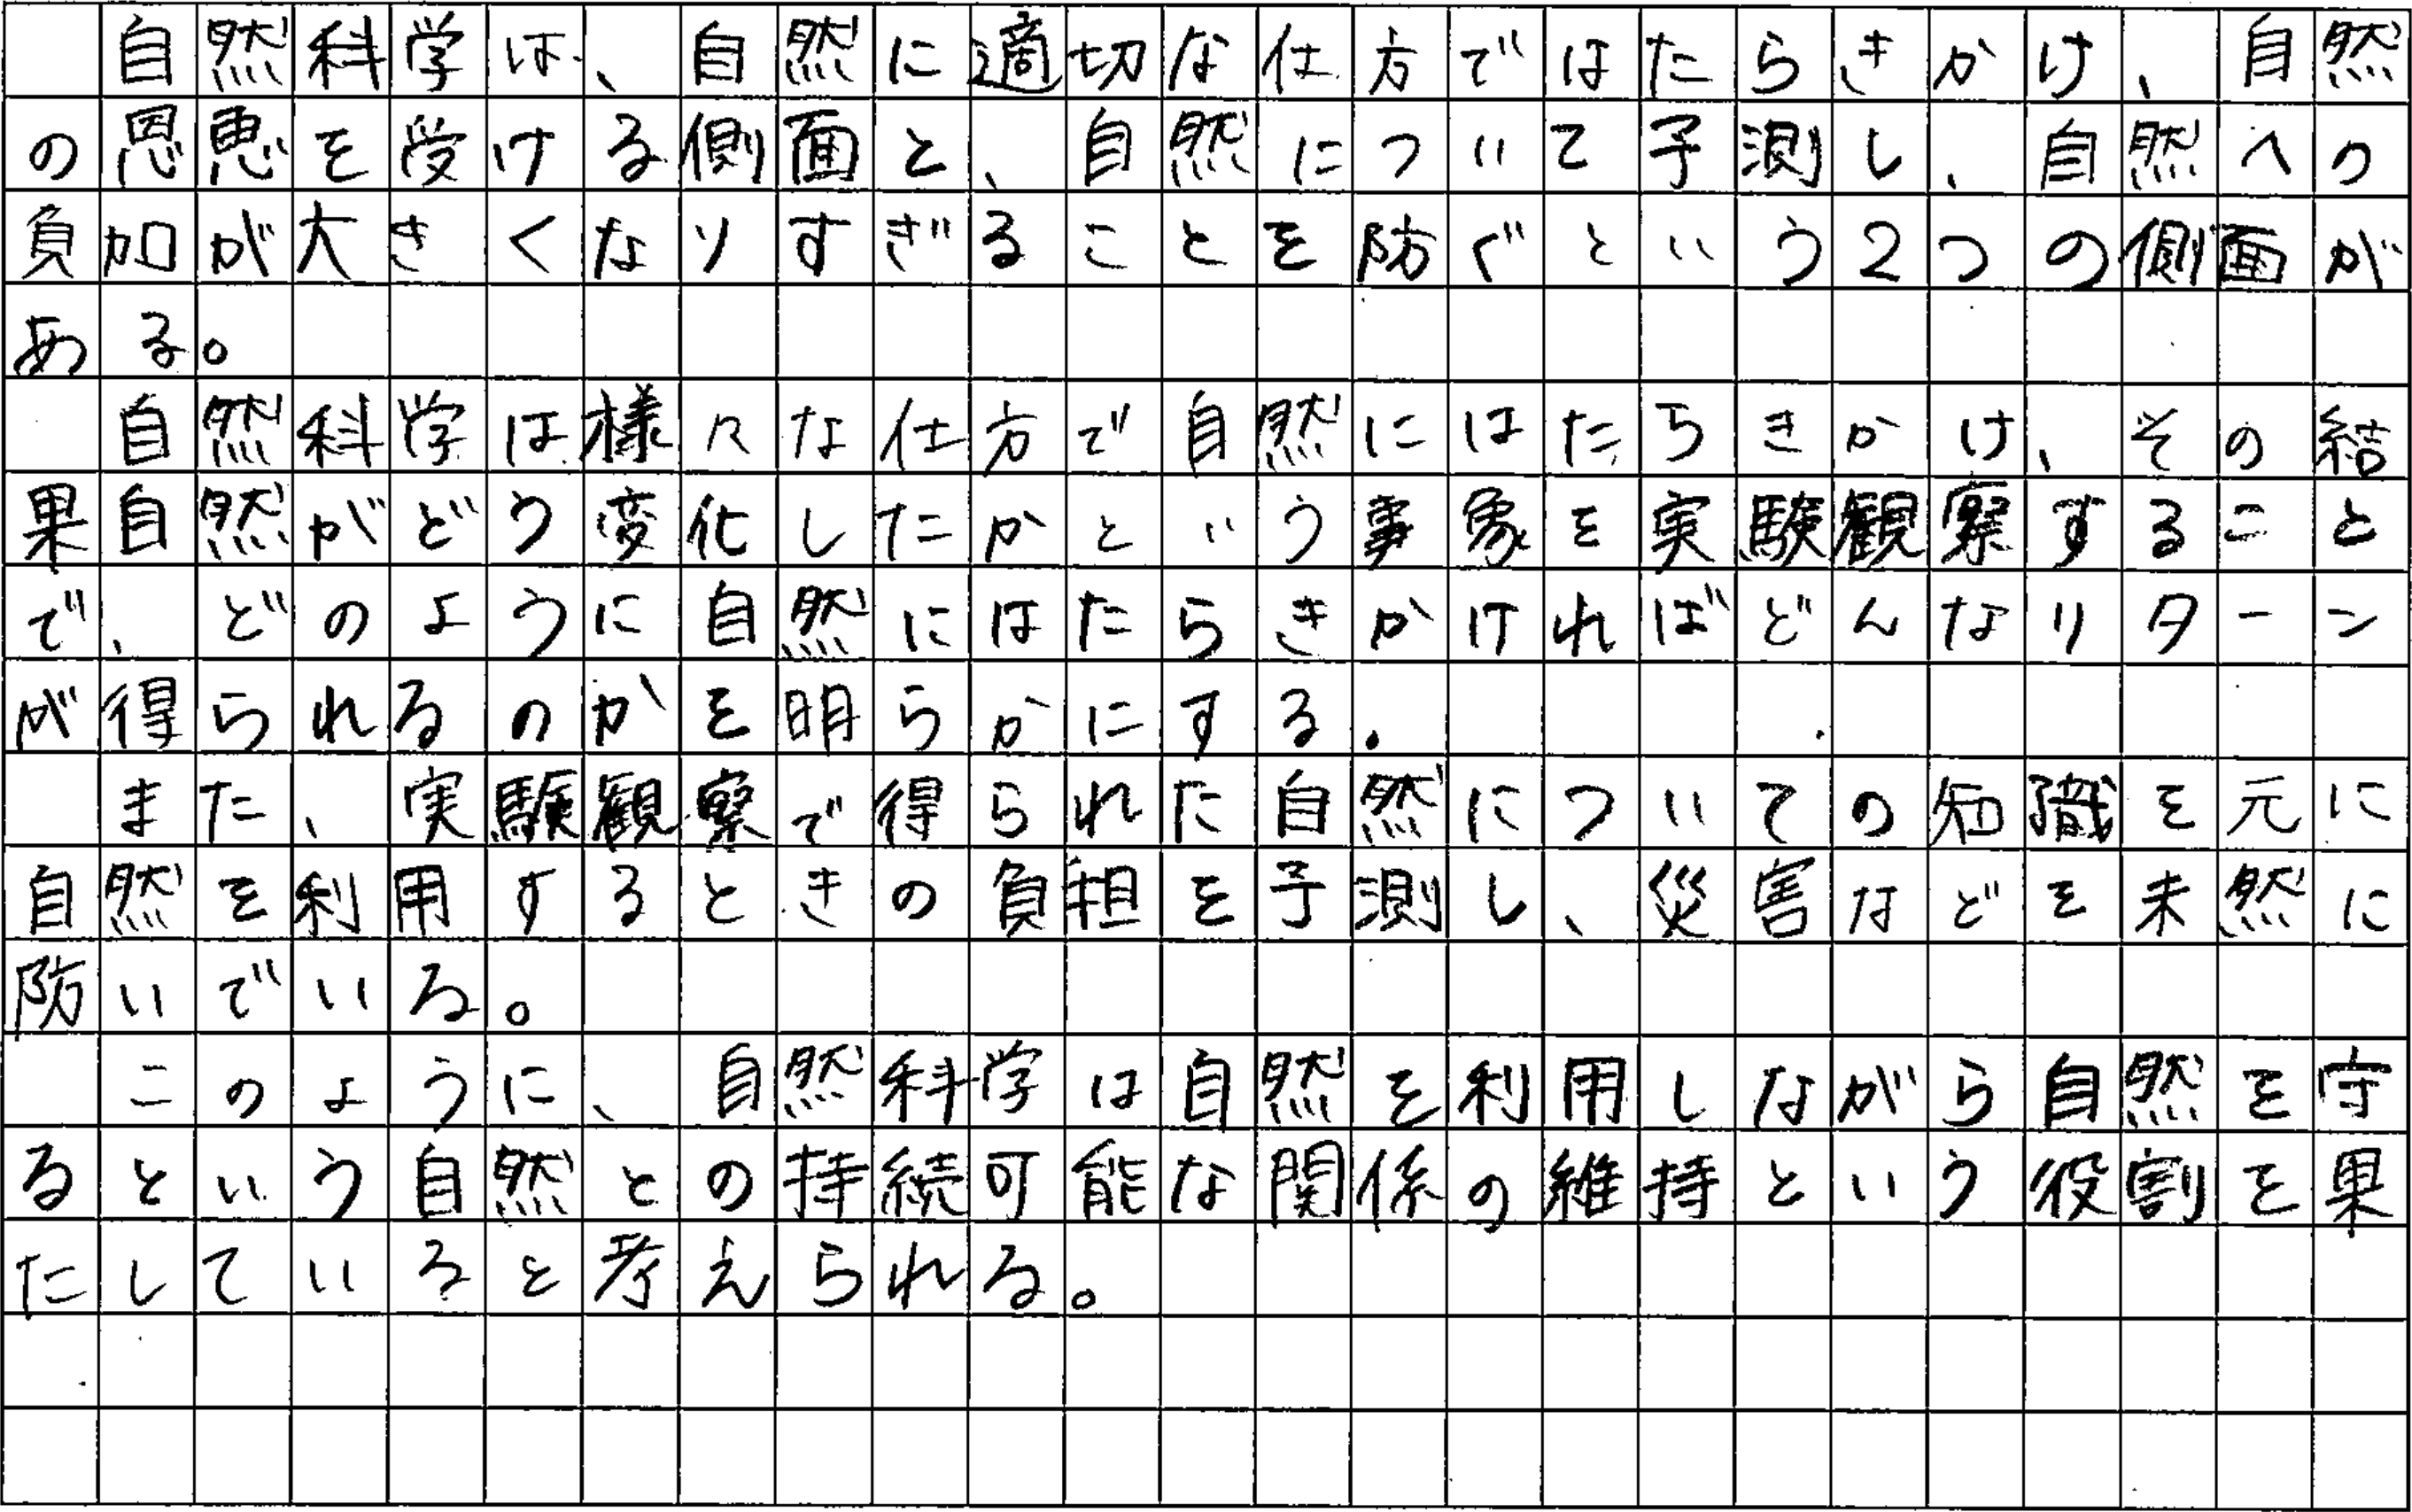　自然科学は、自然に適切な仕方ではたらきかけ、自然の恩恵を受ける側面と、自然について予測し、自然への負加が大きくなりすぎることを防ぐという２つの側面がある。
　自然科学は様々な仕方で自然にはたらきかけ、その結果自然がどう変化したかという事象を実験観察することで、どのように自然にはたらきかければどんなリターンが得られるのかを明らかにする。
　また、実験観察で得られた自然についての知識を元に自然を利用するときの負担を予測し、災害などを未然に防いでいる。
　このように、自然科学は自然を利用しながら自然を守るという自然との持続可能な関係の維持という役割を果たしていると考えられる。
